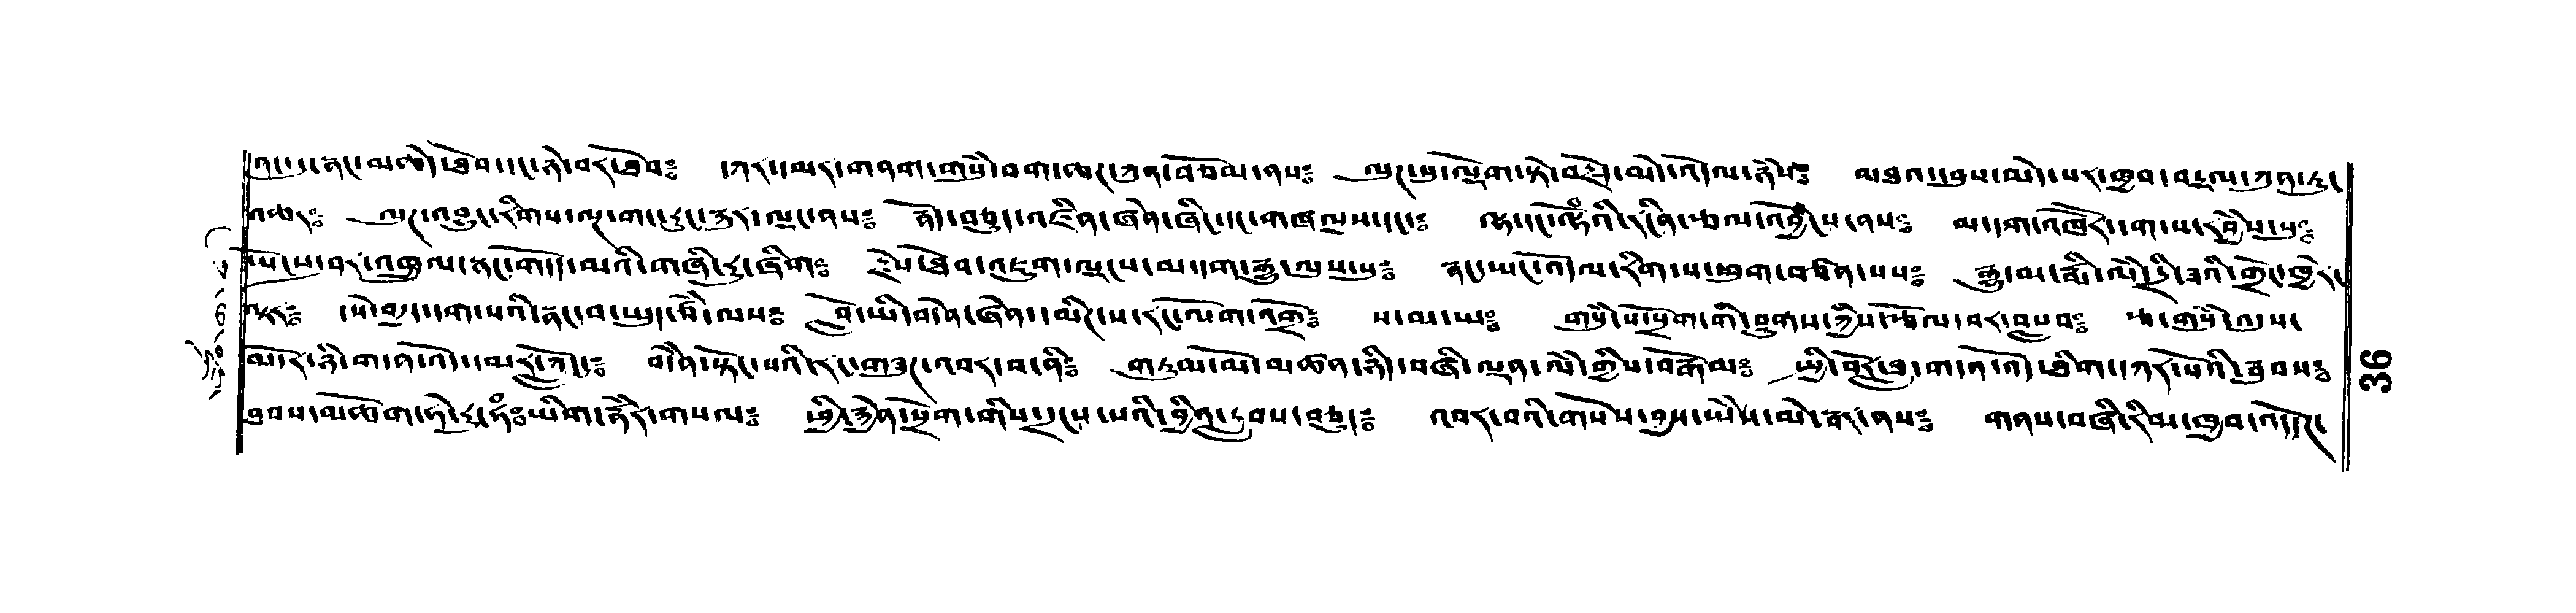ནང་དུ་སྣང་མཆེད་ཐོབ་དང་ཉེ་བར་ཐོབ༔ དཀར་དམར་གནག་གསུམ་བག་ཆགས་ཀུན་བཅོམ་ནས༔ ལུགས་སུ་ལྡོག་སྟེ་བརྗོད་མེད་འོད་གསལ་ཉམས༔ མཐའ་དབུས་མེད་པར་ཁྱབ་བརྡལ་ཀུན་ཏུ་
འཆར༔ ལུགས་འབྱུང་རིགས་ལྔ་གང་རུང་སྐུར་ལྡང་ནས༔ སྣོད་བཅུད་འཛིན་ཞེན་ཞིང་དང་གཞལ་ཡས་དང༔ ལྷ་དང་ལྷ་མོའི་རང་བཞིན་རྩལ་འབྱོངས་ནས༔ མ་དག་འཁོར་ལོ་དག་པ་རབ་འབྱམས་སུ༔ 
ཡོངས་ཤར་འཁྲུལ་སྣང་གདོད་མའི་གཞི་རུ་ཞིག༔ རྗེས་ཐོབ་འཇུག་ལྡང་མ་དག་སྒྱུ་ལུས་སུ༔ སྣང་ཡང་འོད་གསལ་རིག་པ་ཕུག་བཙན་པས༔ སྒྱུ་མ་རྨི་ལམ་དྲི་ཟའི་གྲོང་ཁྱེར་
ལྟར༔ དཔེ་བརྒྱད་དག་པའི་སྣང་བ་ཡུད་ཙམ་ལས༔ བློ་ཡི་བདེན་ཞེན་དམིགས་པ་རང་ལོག་འགྲོ༔ ས་མ་ཡ༔ གསུམ་པ་སྲོག་གི་ཤུགས་ཀྱིས་རྩོལ་བར་བསླབ༔ རྩ་གསུམ་འདུས་
མདོར་ཉི་གདན་འོད་དམར་ཀློང༔བདེ་ཆེན་སྟོང་པའི་རང་གཟུགས་འབར་བ་ནི༔ གཏུམ་མོ་མཚན་ཉིད་བཞི་ལྡན་ལམ་གྱིས་བསྒོམ༔ སྤྱི་བོར་ཟླ་གདན་འོད་ཐིག་དཀར་པོའི་སྦུབས༔ 
ཐབས་མཆོག་ཧེ་རུ་ཧཾཿཡིག་རྣམ་པར་གསལ༔ ཕྱི་རྐྱེན་སྲོག་གིས་དྲངས་པའི་བྱིན་རླབས་བཅུད༔ འབར་བའི་གསོས་བྱས་ཡེ་ཤེས་མེ་སྦར་ནས༔ གནས་བཞི་རིམ་ཁྱབ་འདོད་ཆགས་